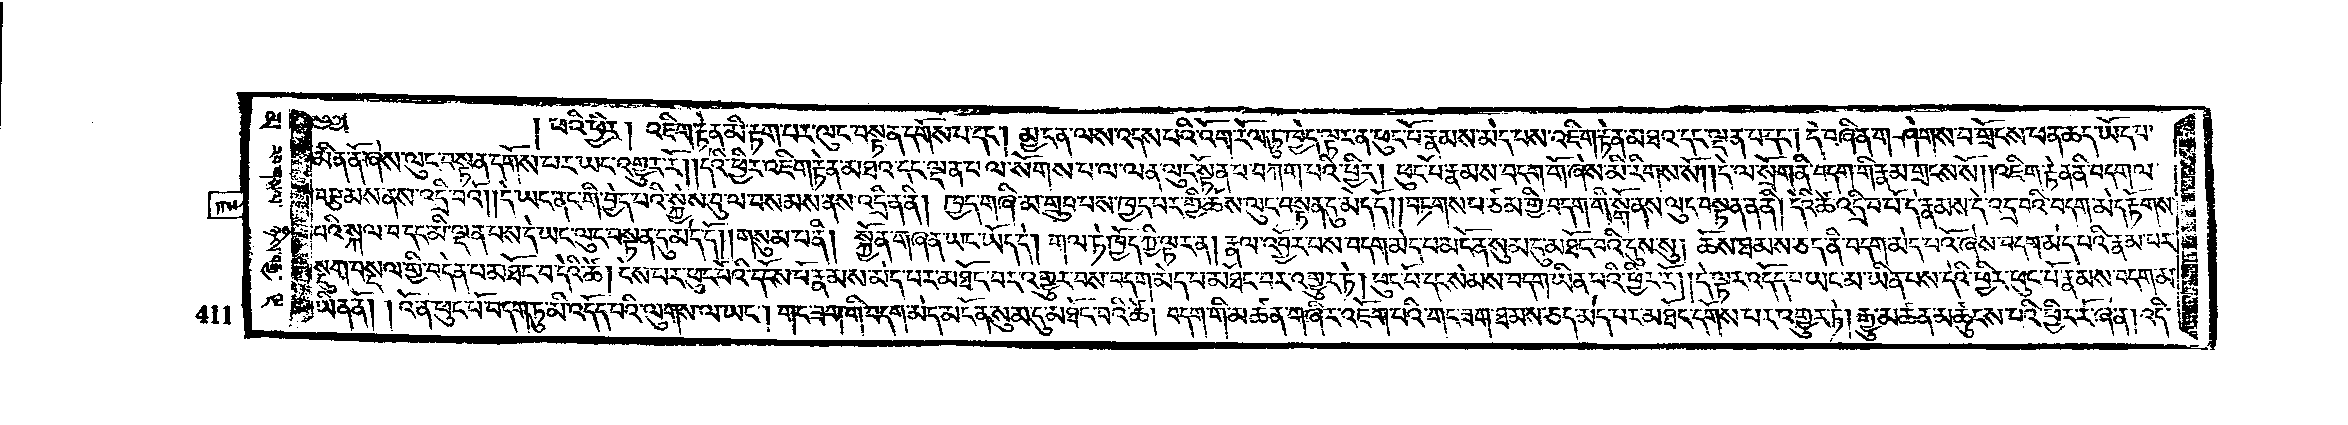༄༅། །པའི་ཕྱིར། འཇིག་རྟེན་མི་རྟག་པར་ལུང་བསྟན་དགོས་པ་དང་། མྱ་ངན་ལས་འདས་པའི་འོག་རོལ་ཏུ་ཁྱེད་ལྟར་ན་ཕུང་པོ་རྣམས་མེད་པས་འཇིག་རྟེན་མཐའ་དང་ལྡན་པ་དང་། དེ་བཞིན་གཤེགས་པ་གྲོངས་ཕན་ཆད་ཡོད་པ་
མིན་ནོ་ཞེས་ལུང་བསྟན་དགོས་པར་ཡང་འགྱུར་རོ། །དེའི་ཕྱིར་འཇིག་རྟེན་མཐའ་དང་ལྡན་པ་ལ་སོགས་པ་ལ་ལན་ལུང་སྟོན་པ་བཀག་པའི་ཕྱིར། ཕུང་པོ་རྣམས་བདག་གོ་ཞེས་མི་རིགས་སོ། །དེ་ལ་སྲོག་ནི་བདག་གི་རྣམ་གྲངས་སོ། །འཇིག་རྟེན་ནི་བདག་ལ་
བརྩམས་ནས་འདྲི་བའོ། །དེ་ཡང་ནང་གི་བྱེད་པའི་སྐྱེས་བུ་ལ་བསམས་ནས་འདྲི་ན་ནི། ཁྱད་གཞི་མ་གྲུབ་པས་ཁྱད་པར་གྱི་ཆོས་ལུང་བསྟན་དུ་མེད་དོ། །བཏགས་པ་ཙམ་གྱི་བདག་གི་སྒོ་ནས་ལུང་བསྟན་ན་ནི། དེའི་ཚེ་འདྲི་བ་པོ་དེ་རྣམས་དེ་འདྲ་བའི་བདག་མེད་རྟོགས་
པའི་སྐལ་བ་དང་མི་ལྡན་པས་དེ་ཡང་ལུང་བསྟན་དུ་མེད་དོ། །གསུམ་པ་ནི། སྐྱོན་གཞན་ཡང་ཡོད་དེ། གལ་ཏེ་ཁྱོད་ཀྱི་ལྟར་ན། རྣལ་འབྱོར་པས་བདག་མེད་པ་མངོན་སུམ་དུ་མཐོང་བའི་དུས་སུ། ཆོས་ཐམས་ཅད་ནི་བདག་མེད་པའོ་ཞེས་བདག་མེད་པའི་རྣམ་པར་
སྡུག་བསྔལ་གྱི་བདེན་པ་མཐོང་བ་དེའི་ཚེ། ངེས་པར་ཕུང་པོའི་དངོས་པོ་རྣམས་མེད་པར་མཐོང་བར་འགྱུར་བས་བདག་མེད་པ་མཐོང་བར་འགྱུར་ཏེ། ཕུང་པོ་དང་སེམས་བདག་ཡིན་པའི་ཕྱིར་རོ། །དེ་ལྟར་འདོད་པ་ཡང་མ་ཡིན་པས་དེའི་ཕྱིར་ཕུང་པོ་རྣམས་བདག་མ་
ཡིན་ནོ། །འོ་ན་ཕུང་པོ་བདག་ཏུ་མི་འདོད་པའི་ལུགས་ལ་ཡང་། གང་ཟག་གི་བདག་མེད་མངོན་སུམ་དུ་མཐོང་བའི་ཚེ། བདག་གི་མཚན་གཞིར་འཇོག་པའི་གང་ཟག་ཐམས་ཅད་མེད་པར་མཐོང་དགོས་པར་འགྱུར་ཏེ། རྒྱུ་མཚན་མཚུངས་པའི་ཕྱིར་རོ་ཞེ་ན། འདི་